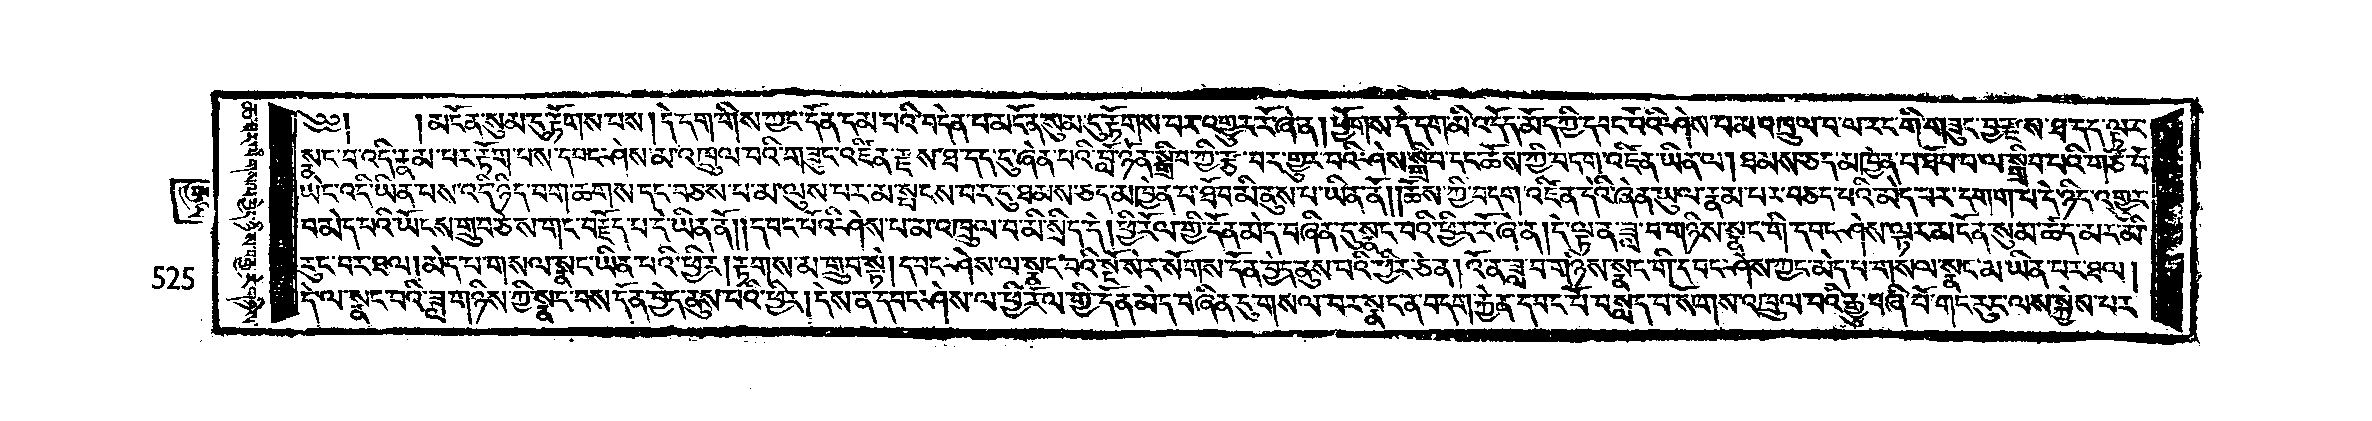༄༅། །མངོན་སུམ་དུ་རྟོགས་པས། དེ་དག་གིས་ཀྱང་དོན་དམ་པའི་བདེན་པ་མངོན་སུམ་དུ་རྟོགས་པར་འགྱུར་རོ་ཞེ་ན། ཕྱོགས་དེ་དག་མི་འདོད་མོད་ཀྱི་དབང་པོའི་ཤེས་པ་མ་འཁྲུལ་བ་ལ་རང་གི་གཟུང་བྱ་རྫས་ཐ་དད་ལྟར་
སྣང་བ་འདི་རྣམ་པར་རྟོག་པས་དབང་ཤེས་མ་འཁྲུལ་བའི་གཟུང་འཛིན་རྫས་ཐ་དད་དུ་ཞེན་པའི་བློ་ཉོན་སྒྲིབ་ཀྱི་རྩ་བར་གྱུར་པའི་ཤེས་སྒྲིབ་དང་ཆོས་ཀྱི་བདག་འཛིན་ཡིན་ལ། ཐམས་ཅད་མཁྱེན་པ་ཐོབ་པ་ལ་སྒྲིབ་པའི་གཙོ་བོ་
ཡང་འདི་ཡིན་པས་འདི་ཉིད་བག་ཆགས་དང་བཅས་པ་མ་ལུས་པར་མ་སྤངས་པར་དུ་ཐམས་ཅད་མཁྱེན་པ་ཐོབ་མི་ནུས་པ་ཡིན་ནོ། །ཆོས་ཀྱི་བདག་འཛིན་དེའི་ཞེན་ཡུལ་རྣམ་པར་བཅད་པའི་མེད་པར་དགག་པ་དེ་ཉིད་འགྱུར་
བ་མེད་པའི་ཡོངས་གྲུབ་ཅེས་གང་བརྗོད་པ་དེ་ཡིན་ནོ། །དབང་པོའི་ཤེས་པ་མ་འཁྲུལ་བ་མི་སྲིད་དེ། ཕྱི་རོལ་གྱི་དོན་མེད་བཞིན་དུ་སྣང་བའི་ཕྱིར་རོ་ཞེ་ན། དེ་ལྟ་ན་ཟླ་བ་གཉིས་སྣང་གི་དབང་ཤེས་ལྟར་མངོན་སུམ་ཚད་མར་མི་
རུང་བར་ཐལ། མེད་པ་གསལ་སྣང་ཡིན་པའི་ཕྱིར། རྟགས་མ་གྲུབ་སྟེ། དབང་ཤེས་ལ་སྣང་བའི་སྔོ་སེར་སོགས་དོན་བྱེད་ནུས་པའི་ཕྱིར་ཅེ་ན། འོ་ན་ཟླ་བ་གཉིས་སྣང་གི་དབང་ཤེས་ཀྱང་མེད་པ་གསལ་སྣང་མ་ཡིན་པར་ཐལ།
དེ་ལ་སྣང་བའི་ཟླ་གཉིས་ཀྱི་སྣང་བས་དོན་བྱེད་ནུས་པའི་ཕྱིར། དེས་ན་དབང་ཤེས་ལ་ཕྱི་རོལ་གྱི་དོན་མེད་བཞིན་དུ་གསལ་བར་སྣང་ན་བདག་རྐྱེན་དབང་པོ་བསླད་པ་སོགས་འཁྲུལ་བའི་རྒྱུ་བཞི་པོ་གང་རུང་ལས་སྐྱེས་པར་